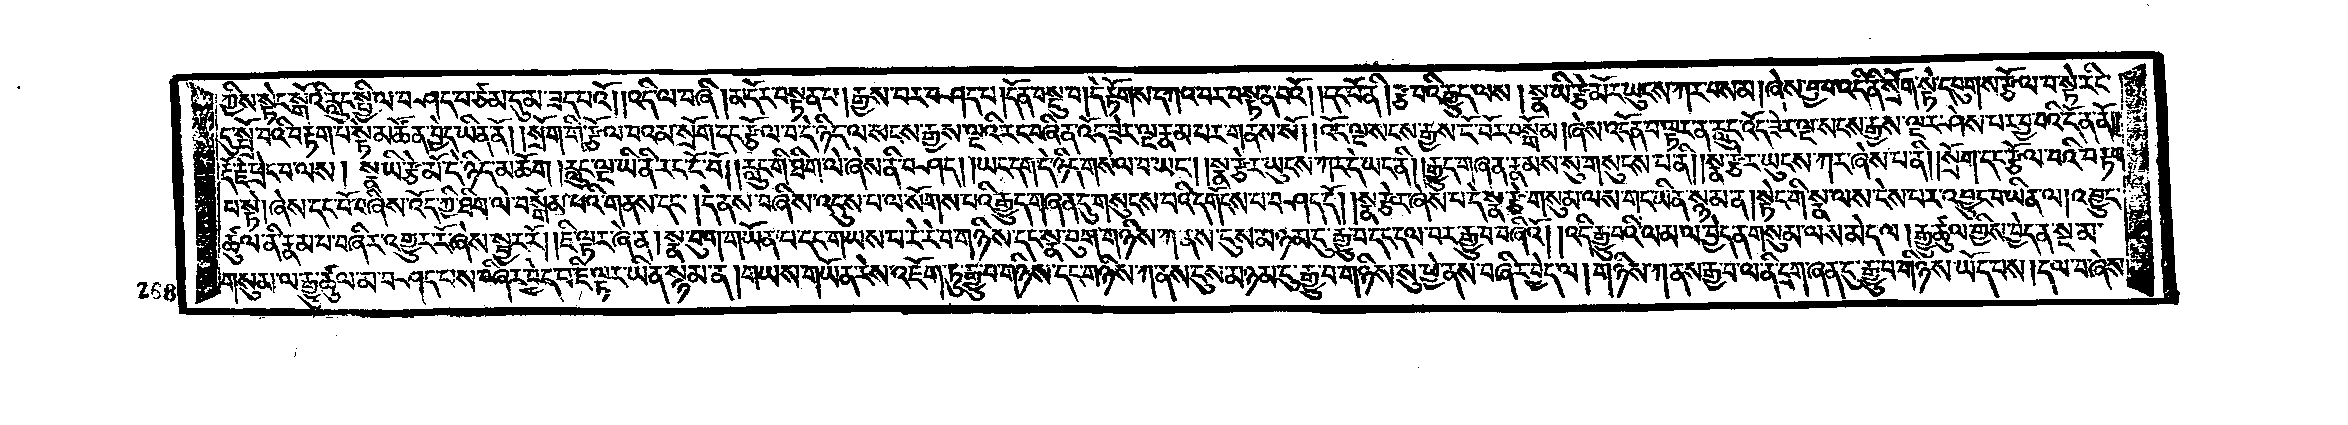ཀྱིས་སྟེང་སྒོའི་རླུང་སྤྱི་ལ་བཤད་པ་ཙམ་དུ་མ་ཟད་པའོ། །འདི་ལ་བཞི། མདོར་བསྟན་པ། རྒྱས་པར་བཤད་པ། དོན་བསྡུ་བ། དེ་རྟོགས་དཀའ་བར་བསྟན་པའོ། །དང་པོ་ནི། རྩ་བའི་རྒྱུད་ལས། སྣ་ཡི་རྩེ་མོར་ཡུངས་ཀར་བསམ། ཞེས་བྱ་བ་འདི་ནི་སྲོག་སྟེ་དབུགས་རྩོལ་བ་སྟེ་རིང་
དུ་སྤྲོ་བའི་བརྟག་པ་སྟེ་མཚོན་བྱེད་ཡིན་ནོ། །སྲོག་གི་རྩོལ་བའམ་སྲོག་དང་རྩོལ་བ་དེ་ཉིད་ལ་སངས་རྒྱས་ལྔའི་རང་བཞིན་འོད་ཟེར་ལྔ་རྣམ་པར་གནས་སོ། །འོད་ལྔ་སངས་རྒྱས་ངོ་བོར་བསྒོམ། ཞེས་འདོན་པ་ལྟར་ན་རླུང་འོད་ཟེར་ལྔ་སངས་རྒྱས་ལྔར་ཤེས་པར་བྱ་བའི་དོན་ནོ། །
རྡོ་རྗེ་ཕྲེང་བ་ལས། སྣ་ཡི་རྩེ་མོ་དེ་ཉིད་མཆོག །རླུང་ལྔ་ཡི་ནི་རང་ངོ་བོ། །རླུང་གི་ཐིག་ལེ་ཞེས་ནི་བཤད། །ཡང་དག་དེ་ཉིད་གསལ་བ་ཡང་། །སྣ་རྩེར་ཡུངས་ཀར་དེ་ཡང་ནི། །རྒྱུད་གཞན་རྣམས་སུ་གསུངས་པ་ནི། །སྣ་རྩེར་ཡུངས་ཀར་ཞེས་པ་ནི། །སྲོག་དང་རྩོལ་བའི་བརྟག་
པ་སྟེ། ཞེས་དང་པོ་བཞིས་འོད་ཀྱི་ཐིག་ལེ་བསྒོམ་པའི་གནས་དང་། དེ་ནས་བཞིས་འདུས་པ་ལ་སོགས་པའི་རྒྱུད་གཞན་དུ་གསུངས་པའི་དགོངས་པ་བཤད་དོ། །སྣ་རྩེར་ཞེས་པ་དེ་སྣ་རྩེ་གསུམ་ལས་གང་ཡིན་སྙམ་ན། སྟེང་གི་སྣ་ལས་ངེས་པར་འབྱུང་བ་ཡིན་ལ། འབྱུང་
ཚུལ་ནི་རྣམ་པ་བཞིར་འགྱུར་རོ་ཞེས་སྦྱར་རོ། །ཇི་ལྟར་ཞེ་ན། སྣ་བུག་གཡོན་པ་དང་གཡས་པ་རེ་རེ་བ་གཉིས་དང་སྣ་བུག་གཉིས་ཀ་ནས་དུས་མཉམ་དུ་རྒྱུ་བ་དང་དལ་བར་རྒྱུ་བ་བཞིའོ། །འདི་རྒྱུ་བའི་ལམ་ལ་བྱེད་ན་གསུམ་ལས་མེད་ལ། རྒྱུ་ཚུལ་གྱིས་བྱེད་ན་སྔ་མ་
གསུམ་ལ་རྒྱུ་ཚུལ་མ་བཤད་པས་བཞིར་བྱེད་པ་ཇི་ལྟར་ཡིན་སྙམ་ན། གཡས་གཡོན་རེས་འཇོག་ཏུ་རྒྱུ་བ་གཉིས་དང་གཉིས་ཀ་ནས་དུས་མཉམ་དུ་རྒྱུ་བ་གཉིས་སུ་ཕྱེ་ནས་བཞིར་བྱེད་ལ། གཉིས་ཀ་ནས་རྒྱུ་བ་ལ་ནི་དྲག་ཞེན་དུ་རྒྱུ་བ་གཉིས་ཡོད་པས། དལ་བ་ཞེས་